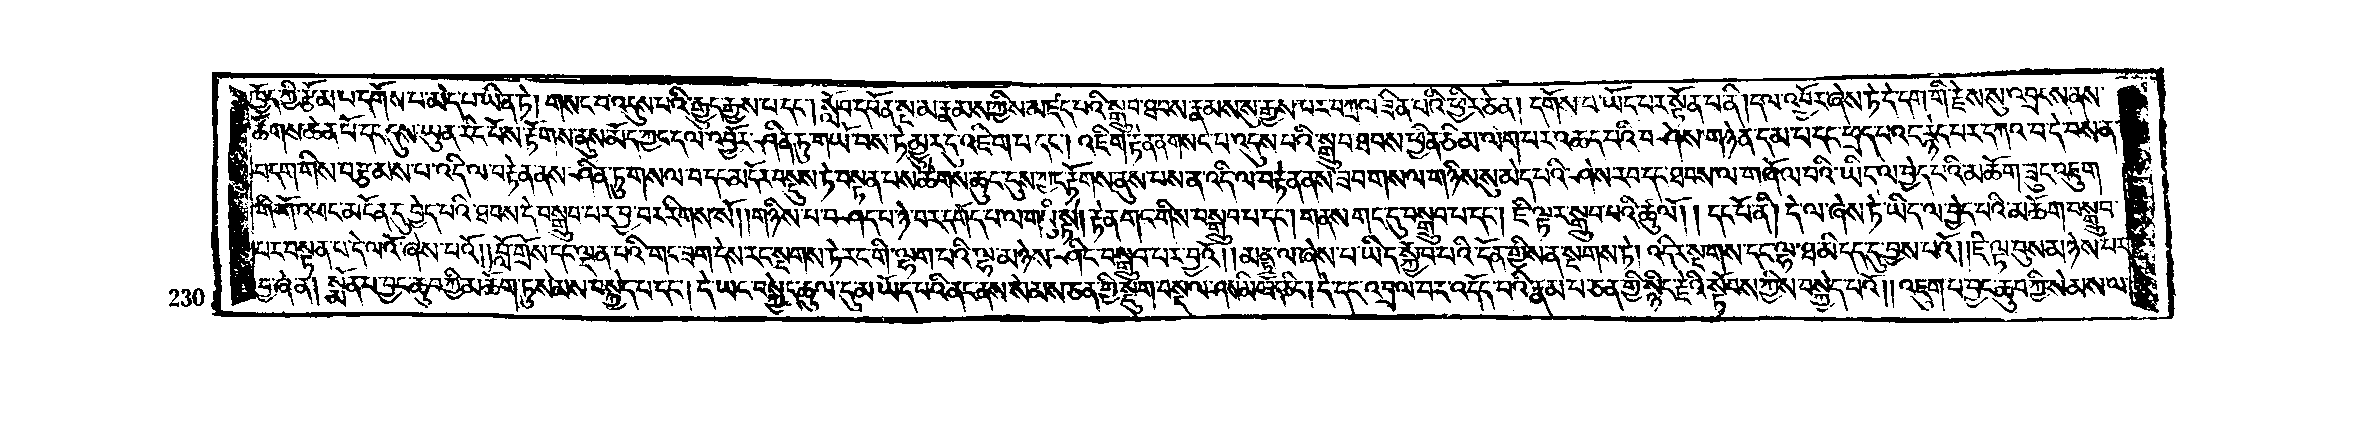ཁྱོད་ཀྱི་རྩོམ་པ་དགོས་པ་མེད་པ་ཡིན་ཏེ། གསང་བ་འདུས་པའི་རྒྱུད་རྒྱས་པ་དང་། སློབ་དཔོན་སྔ་མ་རྣམས་ཀྱིས་མཛད་པའི་སྒྲུབ་ཐབས་རྣམས་སུ་རྒྱས་པར་བཀྲལ་ཟིན་པའི་ཕྱིར་ཅེ་ན། དགོས་པ་ཡོད་པར་སྟོན་པ་ནི། དལ་འབྱོར་ཞེས་ཏེ་དེ་དག་གི་རྗེས་སུ་འབྲངས་ནས་
ཚོགས་ཆེན་པོ་དང་དུས་ཡུན་རིང་པོས་རྟོགས་ནུས་མོད་ཀྱང་དལ་འབྱོར་ཤིན་ཏུ་གཡོ་བས་ཏེ་མྱུར་དུ་འཇིག་པ་དང་། འཇིག་རྟེན་ན་གསང་བ་འདུས་པའི་སྒྲུབ་ཐབས་ཕྱིན་ཅི་མ་ལོག་པར་འཆད་པའི་བཤེས་གཉེན་དམ་པ་དང་ཕྲད་པའང་རྙེད་པར་དཀའ་བ་དེ་བས་ན་
བདག་གིས་བརྩམས་པ་འདི་ལ་བརྟེན་ནས་ཤིན་ཏུ་གསལ་བ་དང་མདོར་བསྡུས་ཏེ་བསྟན་པས་ཚོགས་ཆུང་ངུས་ཀྱང་རྟོགས་ནུས་པས་ན་འདི་ལ་བརྟེན་ནས་ཟབ་གསལ་གཉིས་སུ་མེད་པའི་ཤེས་རབ་དང་ཐབས་ལ་གཞོལ་བའི་ཡིད་ལ་བྱེད་པའི་མཆོག་ཟུང་འཇུག་
གི་གོ་འཕང་མངོན་དུ་བྱེད་པའི་ཐབས་དེ་བསྒྲུབ་པར་བྱ་བར་རིགས་སོ།། གཉིས་པ་བཤད་པ་ཉེ་བར་དགོད་པ་ལ་གསུམ་སྟེ། རྟེན་གང་གིས་བསྒྲུབ་པ་དང་། གནས་གང་དུ་བསྒྲུབ་པ་དང་། ཇི་ལྟར་སྒྲུབ་པའི་ཚུལ་ལོ། །དང་པོ་ནི། དེ་ལ་ཞེས་ཏེ་ཡིད་ལ་བྱེད་པའི་མཆོག་བསྒྲུབ་
པར་བསྟན་པ་དེ་ལའོ་ཞེས་པའོ། །བློ་གྲོས་དང་ལྡན་པའི་གང་ཟག་དེས་རང་སྔགས་ཏེ་རང་གི་ལྷག་པའི་ལྷ་མཉེས་ཤིང་བསྒྲུབ་པར་བྱའོ། །མནཏྲ་ལ་ཞེས་པ་ཡིད་སྐྱོབ་པའི་དོན་གྱིས་ན་སྔགས་ཏེ། འདིར་སྔགས་དང་ལྷ་ཐ་མི་དད་དུ་བྱས་པའོ། །ཇི་ལྟ་བུས་མཉེས་པར་
བྱ་ཞེ་ན། སྨོན་པ་བྱང་ཆུབ་ཀྱི་མཆོག་ཏུ་སེམས་བསྐྱེད་པ་དང་། དེ་ཡང་བསྐྱེད་ཚུལ་དུ་མ་ཡོད་པའི་ནང་ནས་སེམས་ཅན་གྱི་སྡུག་བསྔལ་ཤས་མི་བཟོད་ཅིང་། དེ་དང་འབྲལ་བར་འདོད་པའི་རྣམ་པ་ཅན་གྱི་སྙིང་རྗེའི་སྟོབས་ཀྱིས་བསྐྱེད་པའོ། །འཇུག་པ་བྱང་ཆུབ་ཀྱི་སེམས་ལ་